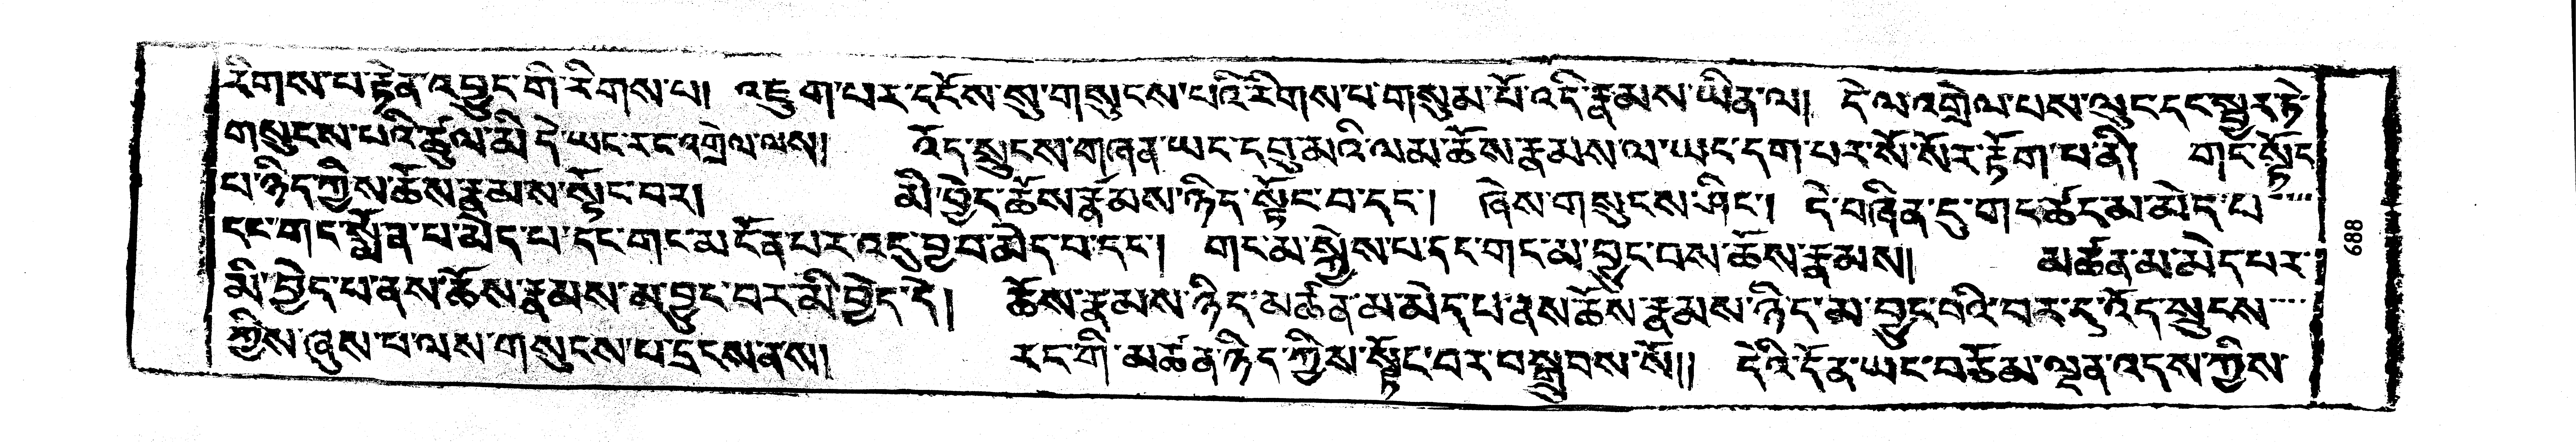རིགས་པ་རྟེན་འབྱུང་གི་རིགས་པ། འཇུག་པར་དངོས་སུ་གསུངས་པའི་རིགས་པ་གསུམ་པོ་འདི་རྣམས་ཡིན་ལ། དེ་ལ་འགྲེལ་པས་ལུང་དང་སྦྱར་ཏེ་
གསུངས་པའི་ཚུལ་མི་དེ་ཡང་རང་འགྲེལ་ལས། འོད་སྲུངས་གཞན་ཡང་དབུ་མའི་ལམ་ཆོས་རྣམས་ལ་ཡང་དག་པར་སོ་སོར་རྟོག་པ་ནི། གང་སྟོང་
པ་ཉིད་ཀྱིས་ཆོས་རྣམས་སྟོང་བར། མི་བྱེད་ཆོས་རྣམས་ཉིད་སྟོང་བ་དང་། ཞེས་གསུངས་ཤིང་། དེ་བཞིན་དུ་གང་ཚད་མ་མེད་པ་
དང་གང་སྨོན་པ་མེད་པ་དང་གང་མངོན་པར་འདུ་བྱ་བ་མེད་པ་དང་། གང་མ་སྐྱེས་པ་དང་གང་མ་བྱུང་བས་ཆོས་རྣམས། མཚན་མ་མེད་པར་
མི་བྱེད་པ་ནས་ཆོས་རྣམས་མ་བྱུང་བར་མི་བྱེད་དེ། ཆོས་རྣམས་ཉིད་མཚན་མ་མེད་པ་ནས་ཆོས་རྣམས་ཉིད་མ་བྱུང་བའི་བར་དུ་འོད་སྲུངས་
ཀྱིས་ཞུས་པ་ལས་གསུངས་པ་དྲངས་ནས། རང་གི་མཚན་ཉིད་ཀྱིས་སྟོང་བར་བསྒྲུབས་སོ། །དེའི་དོན་ཡང་བཅོམ་ལྡན་འདས་ཀྱིས་